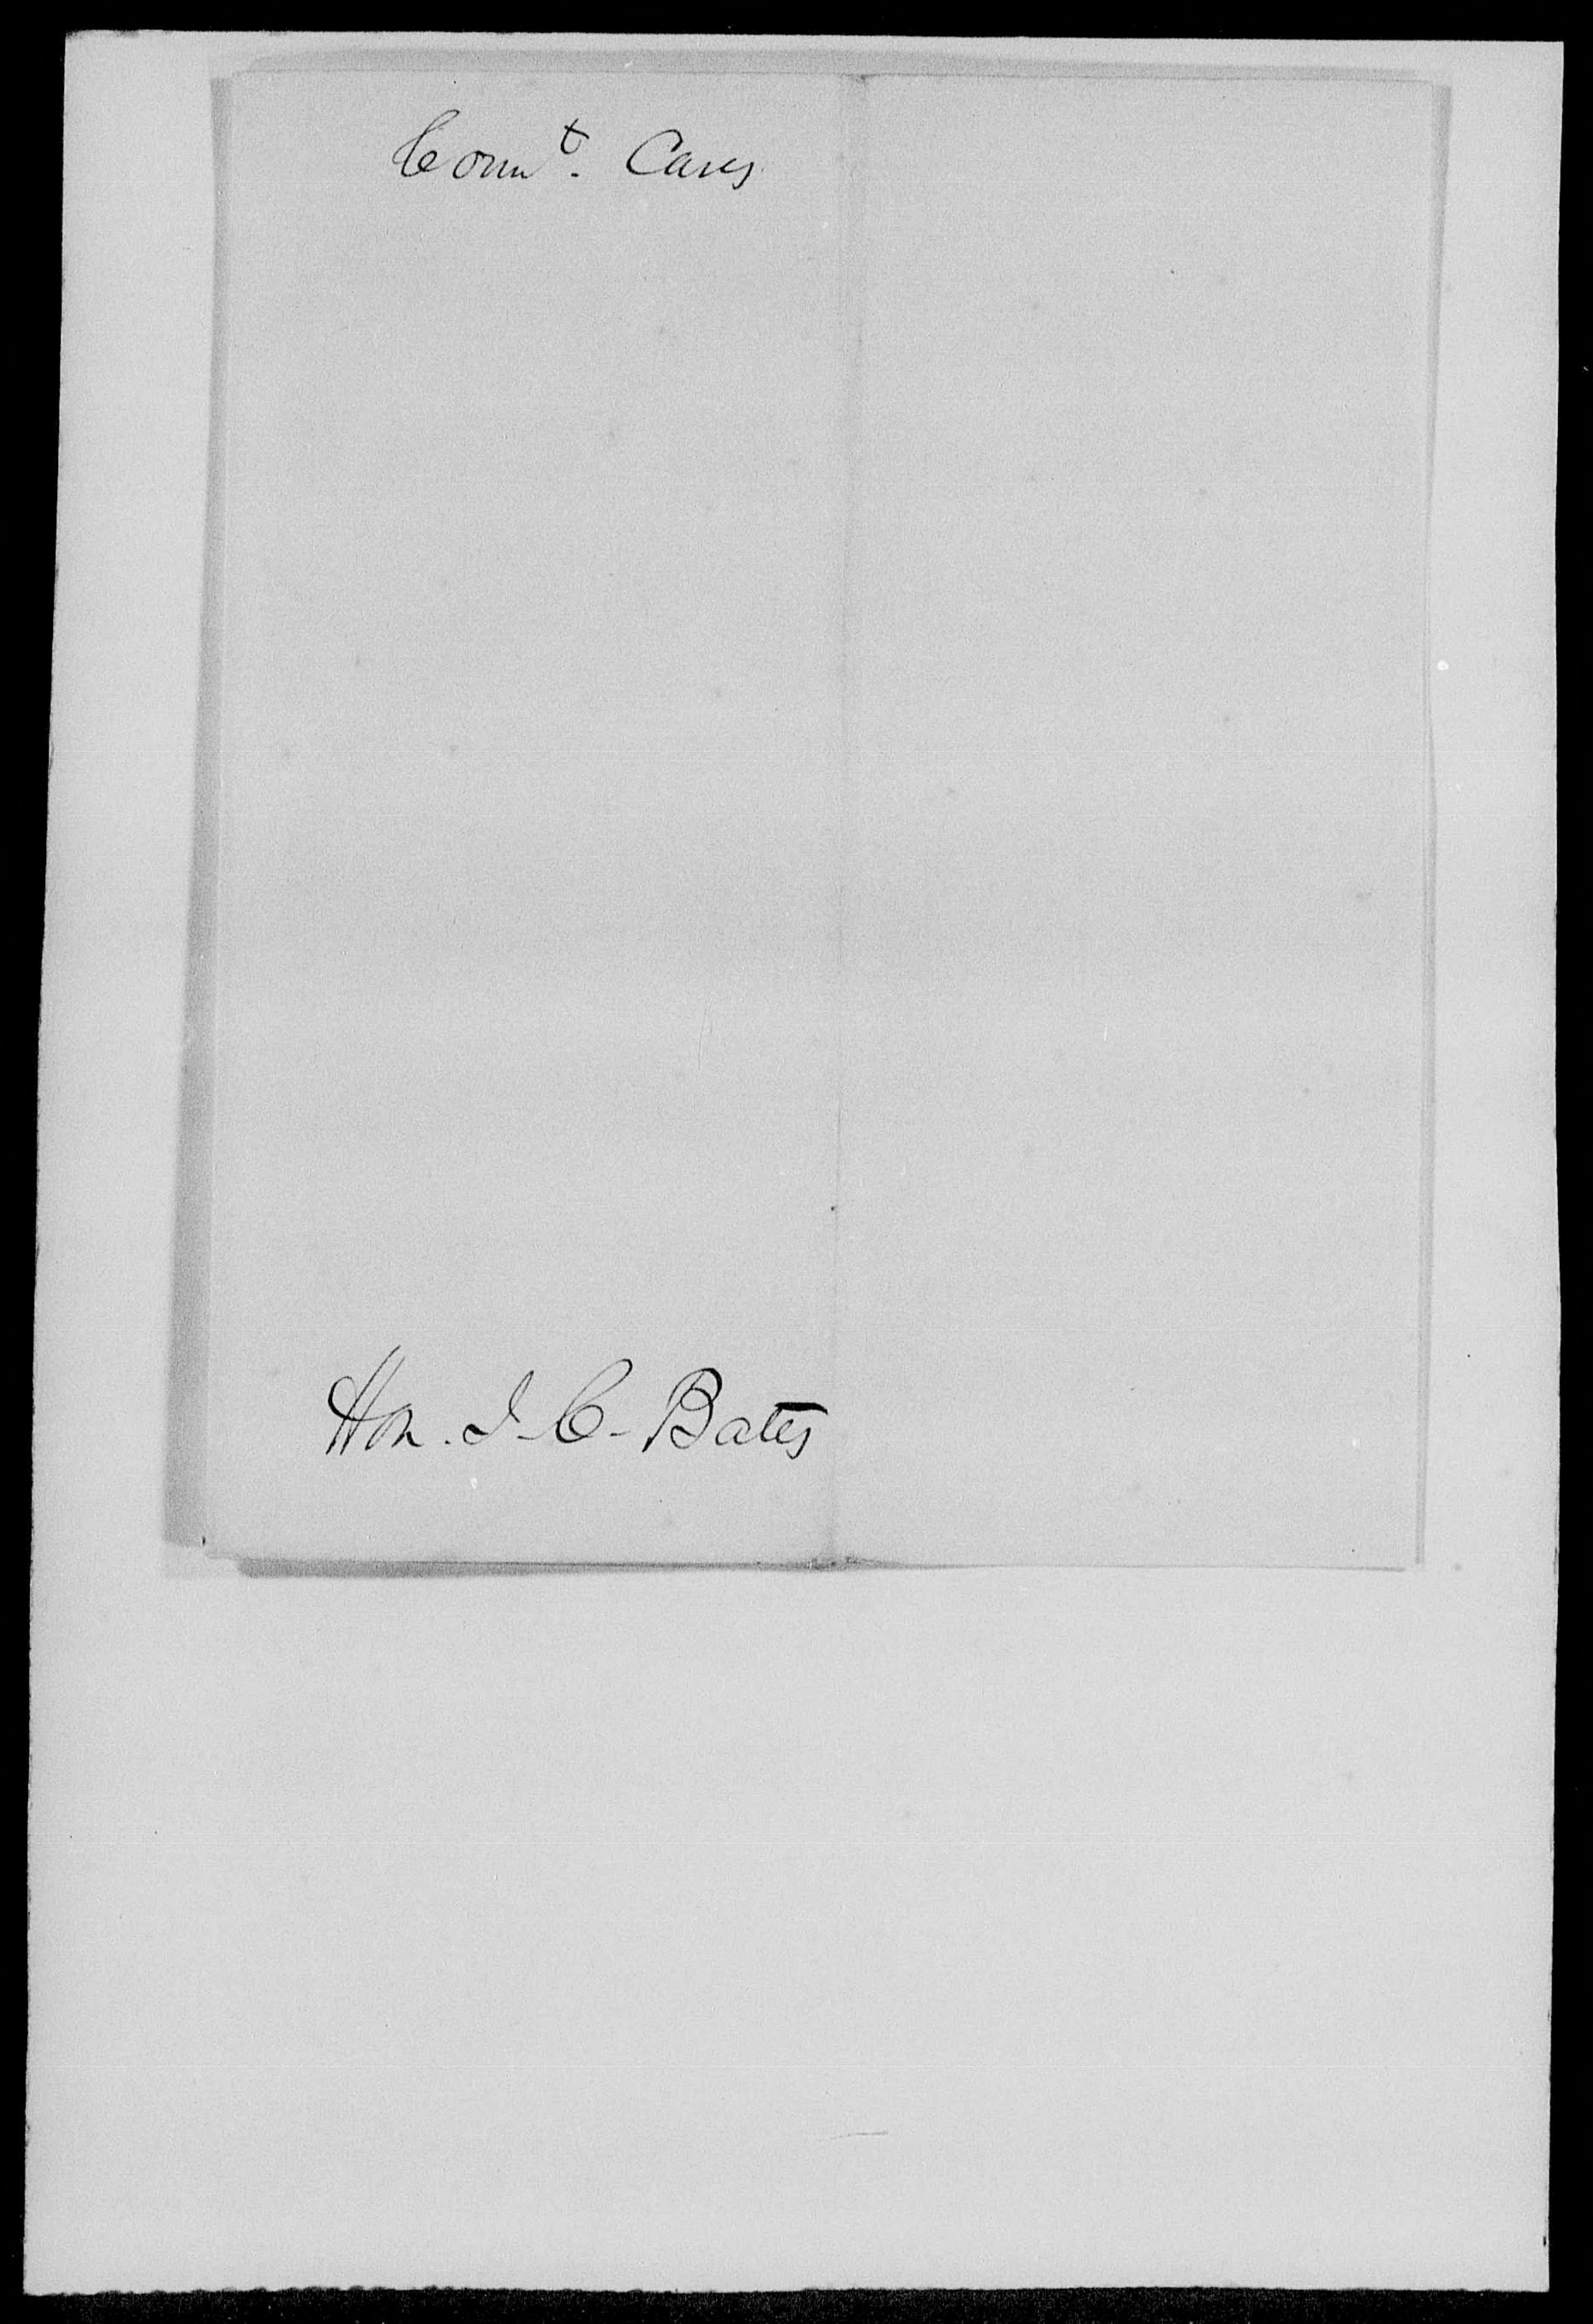Conn. t Cases




Hon. I. C. Bates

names: I C Bates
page: 37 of 76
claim: widow's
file: W. 5,250, Timothy Coe, Conn.